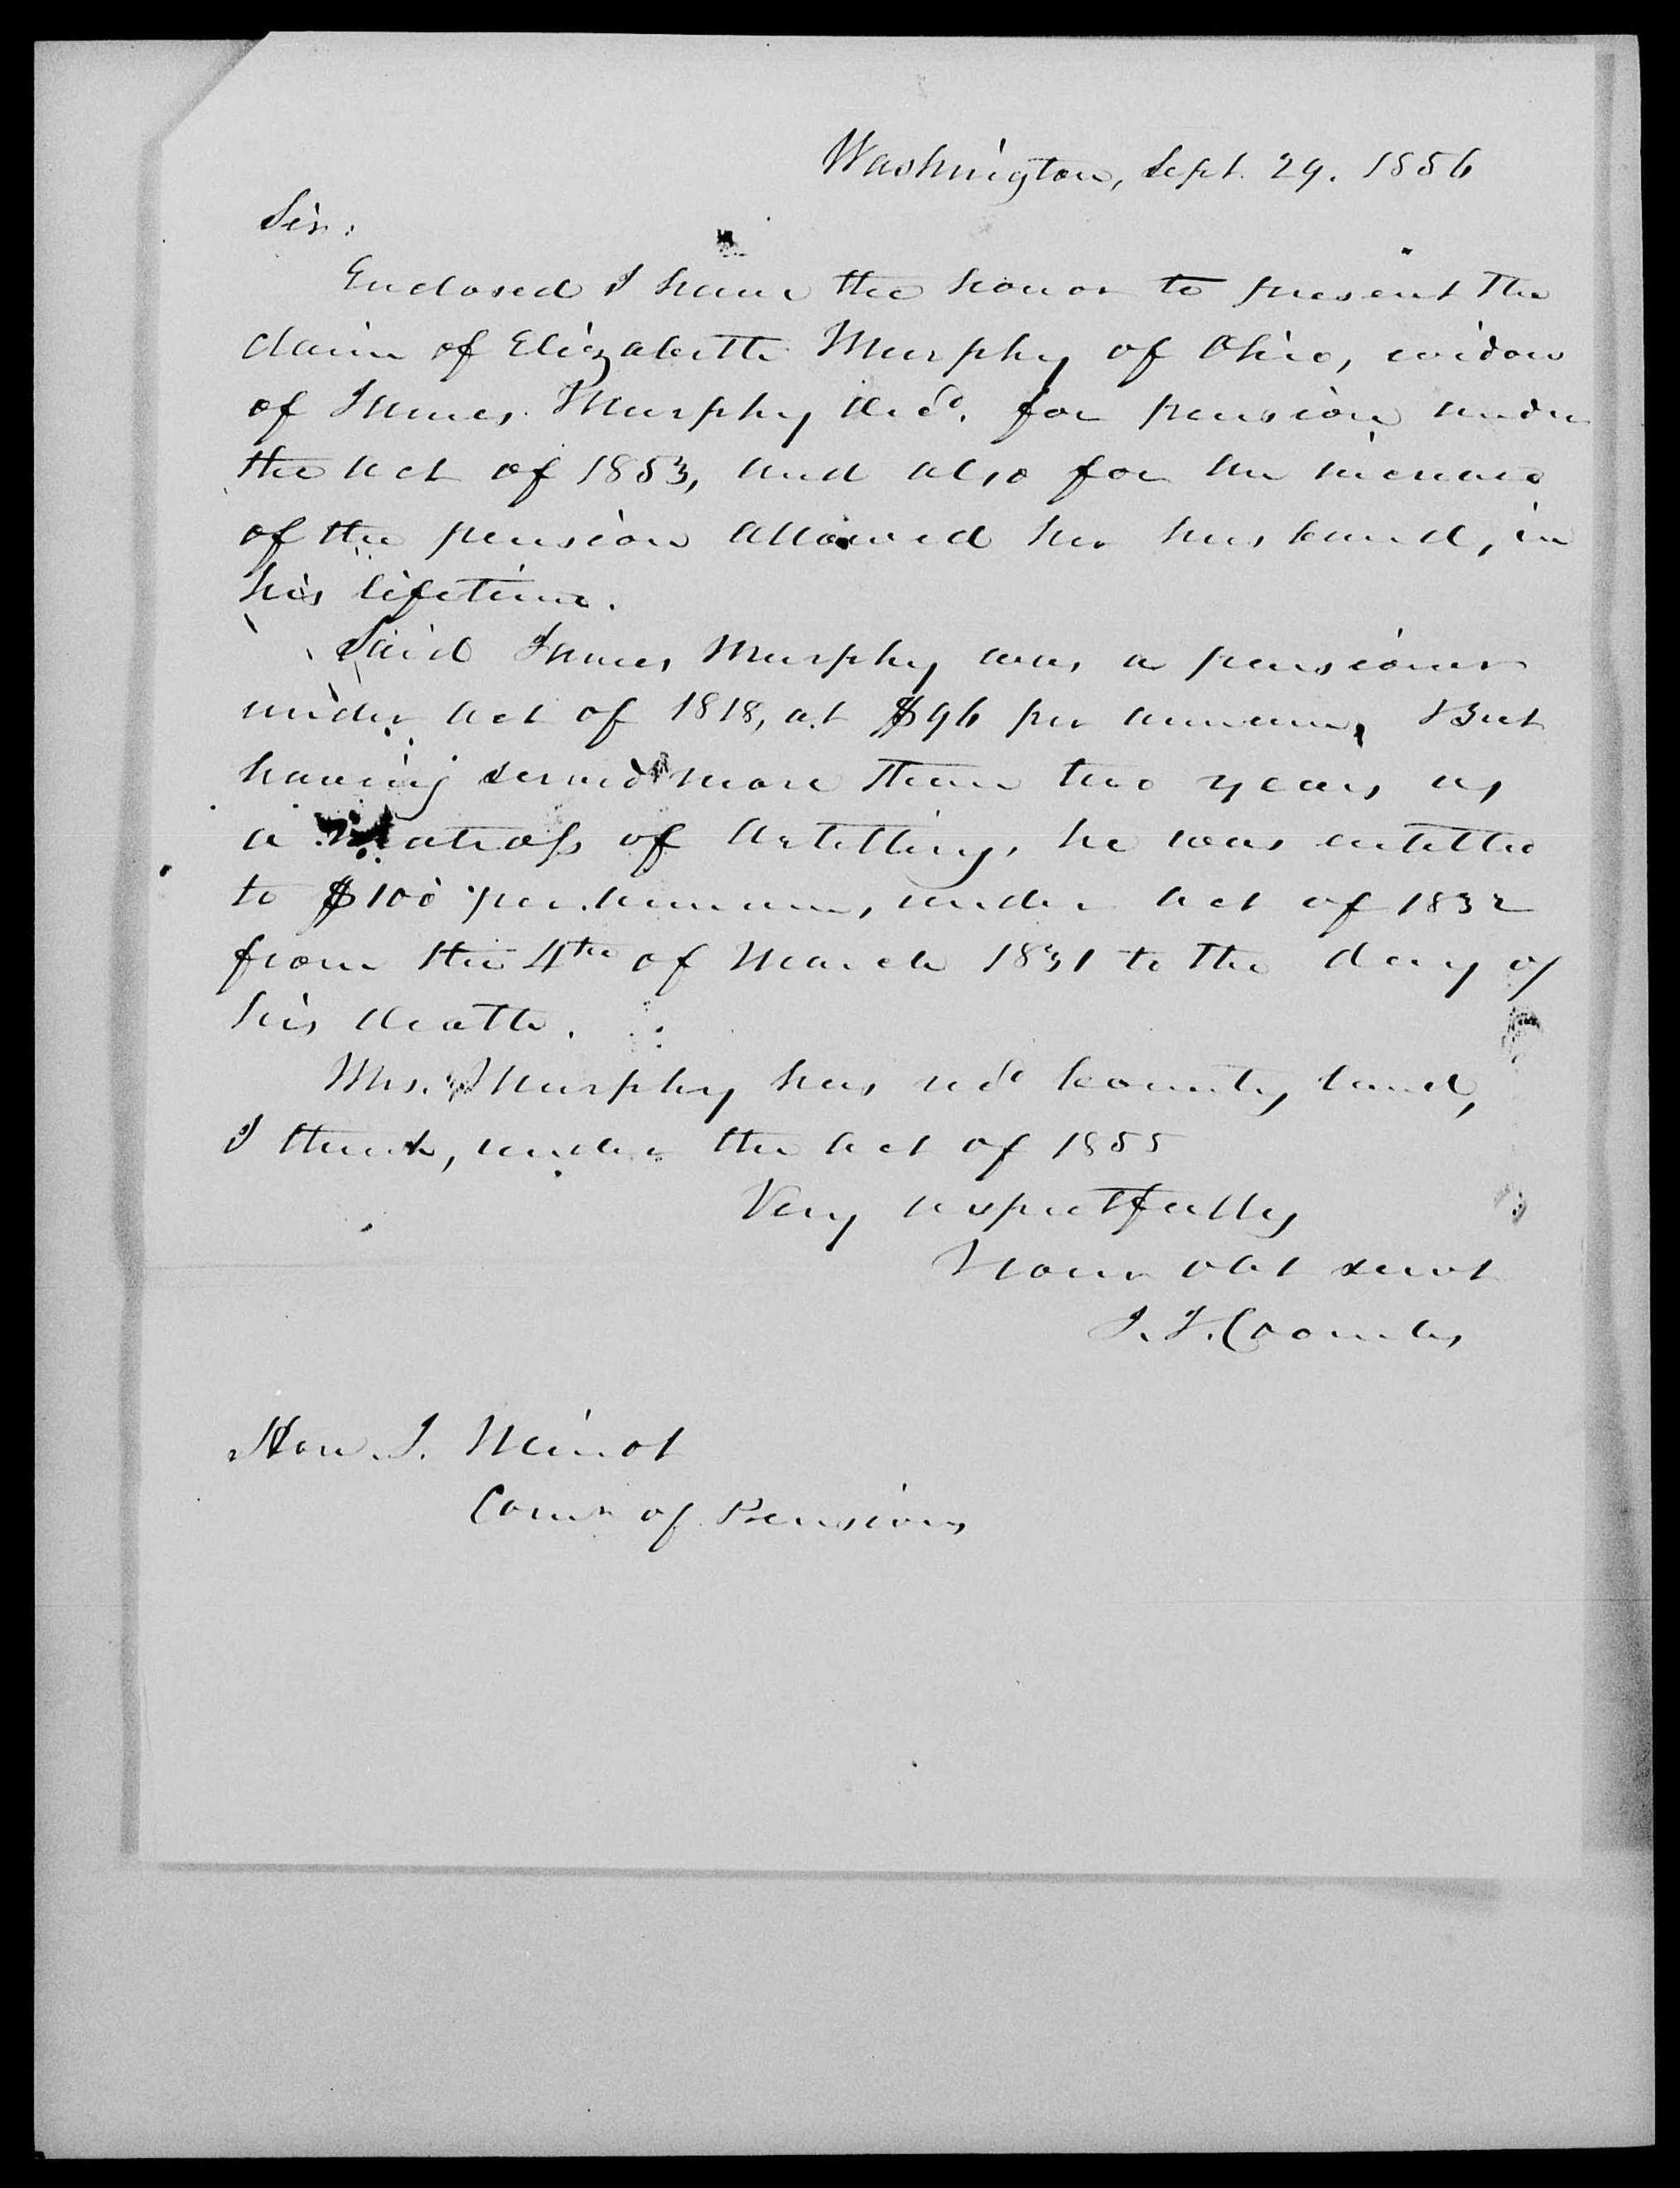Washington, Sept. 29, 1856

Sir:
Enclosed I have the honor to present the
claim of Elizabeth Murphy of Ohio, widow
of James Murphy dec'd for pension under the
act of 1853, and also for her increased
of the pension allowed her husband, in
his lifetime.

Said James Murphy was a pensioner
under act of 1818, at $96 per annum, But
having served more them two years as 
a Matross of Artilliry, he was entitled
to $100 per annum, under act of 1832
from the 4th of March 1831 to the day of
his death.

Mrs. Murphy has rec'd bounty land,
I think, under the act of 1855
Very respectfully
your obt servt
J. T. Coombs /s/

Hon J. Minot
Comm of Pension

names: James Murphy; Elizabeth Murphy; J Minot; J J Coombs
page: 52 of 57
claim: widow's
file: W. 25,739, for James Murphey, Pennsylvania